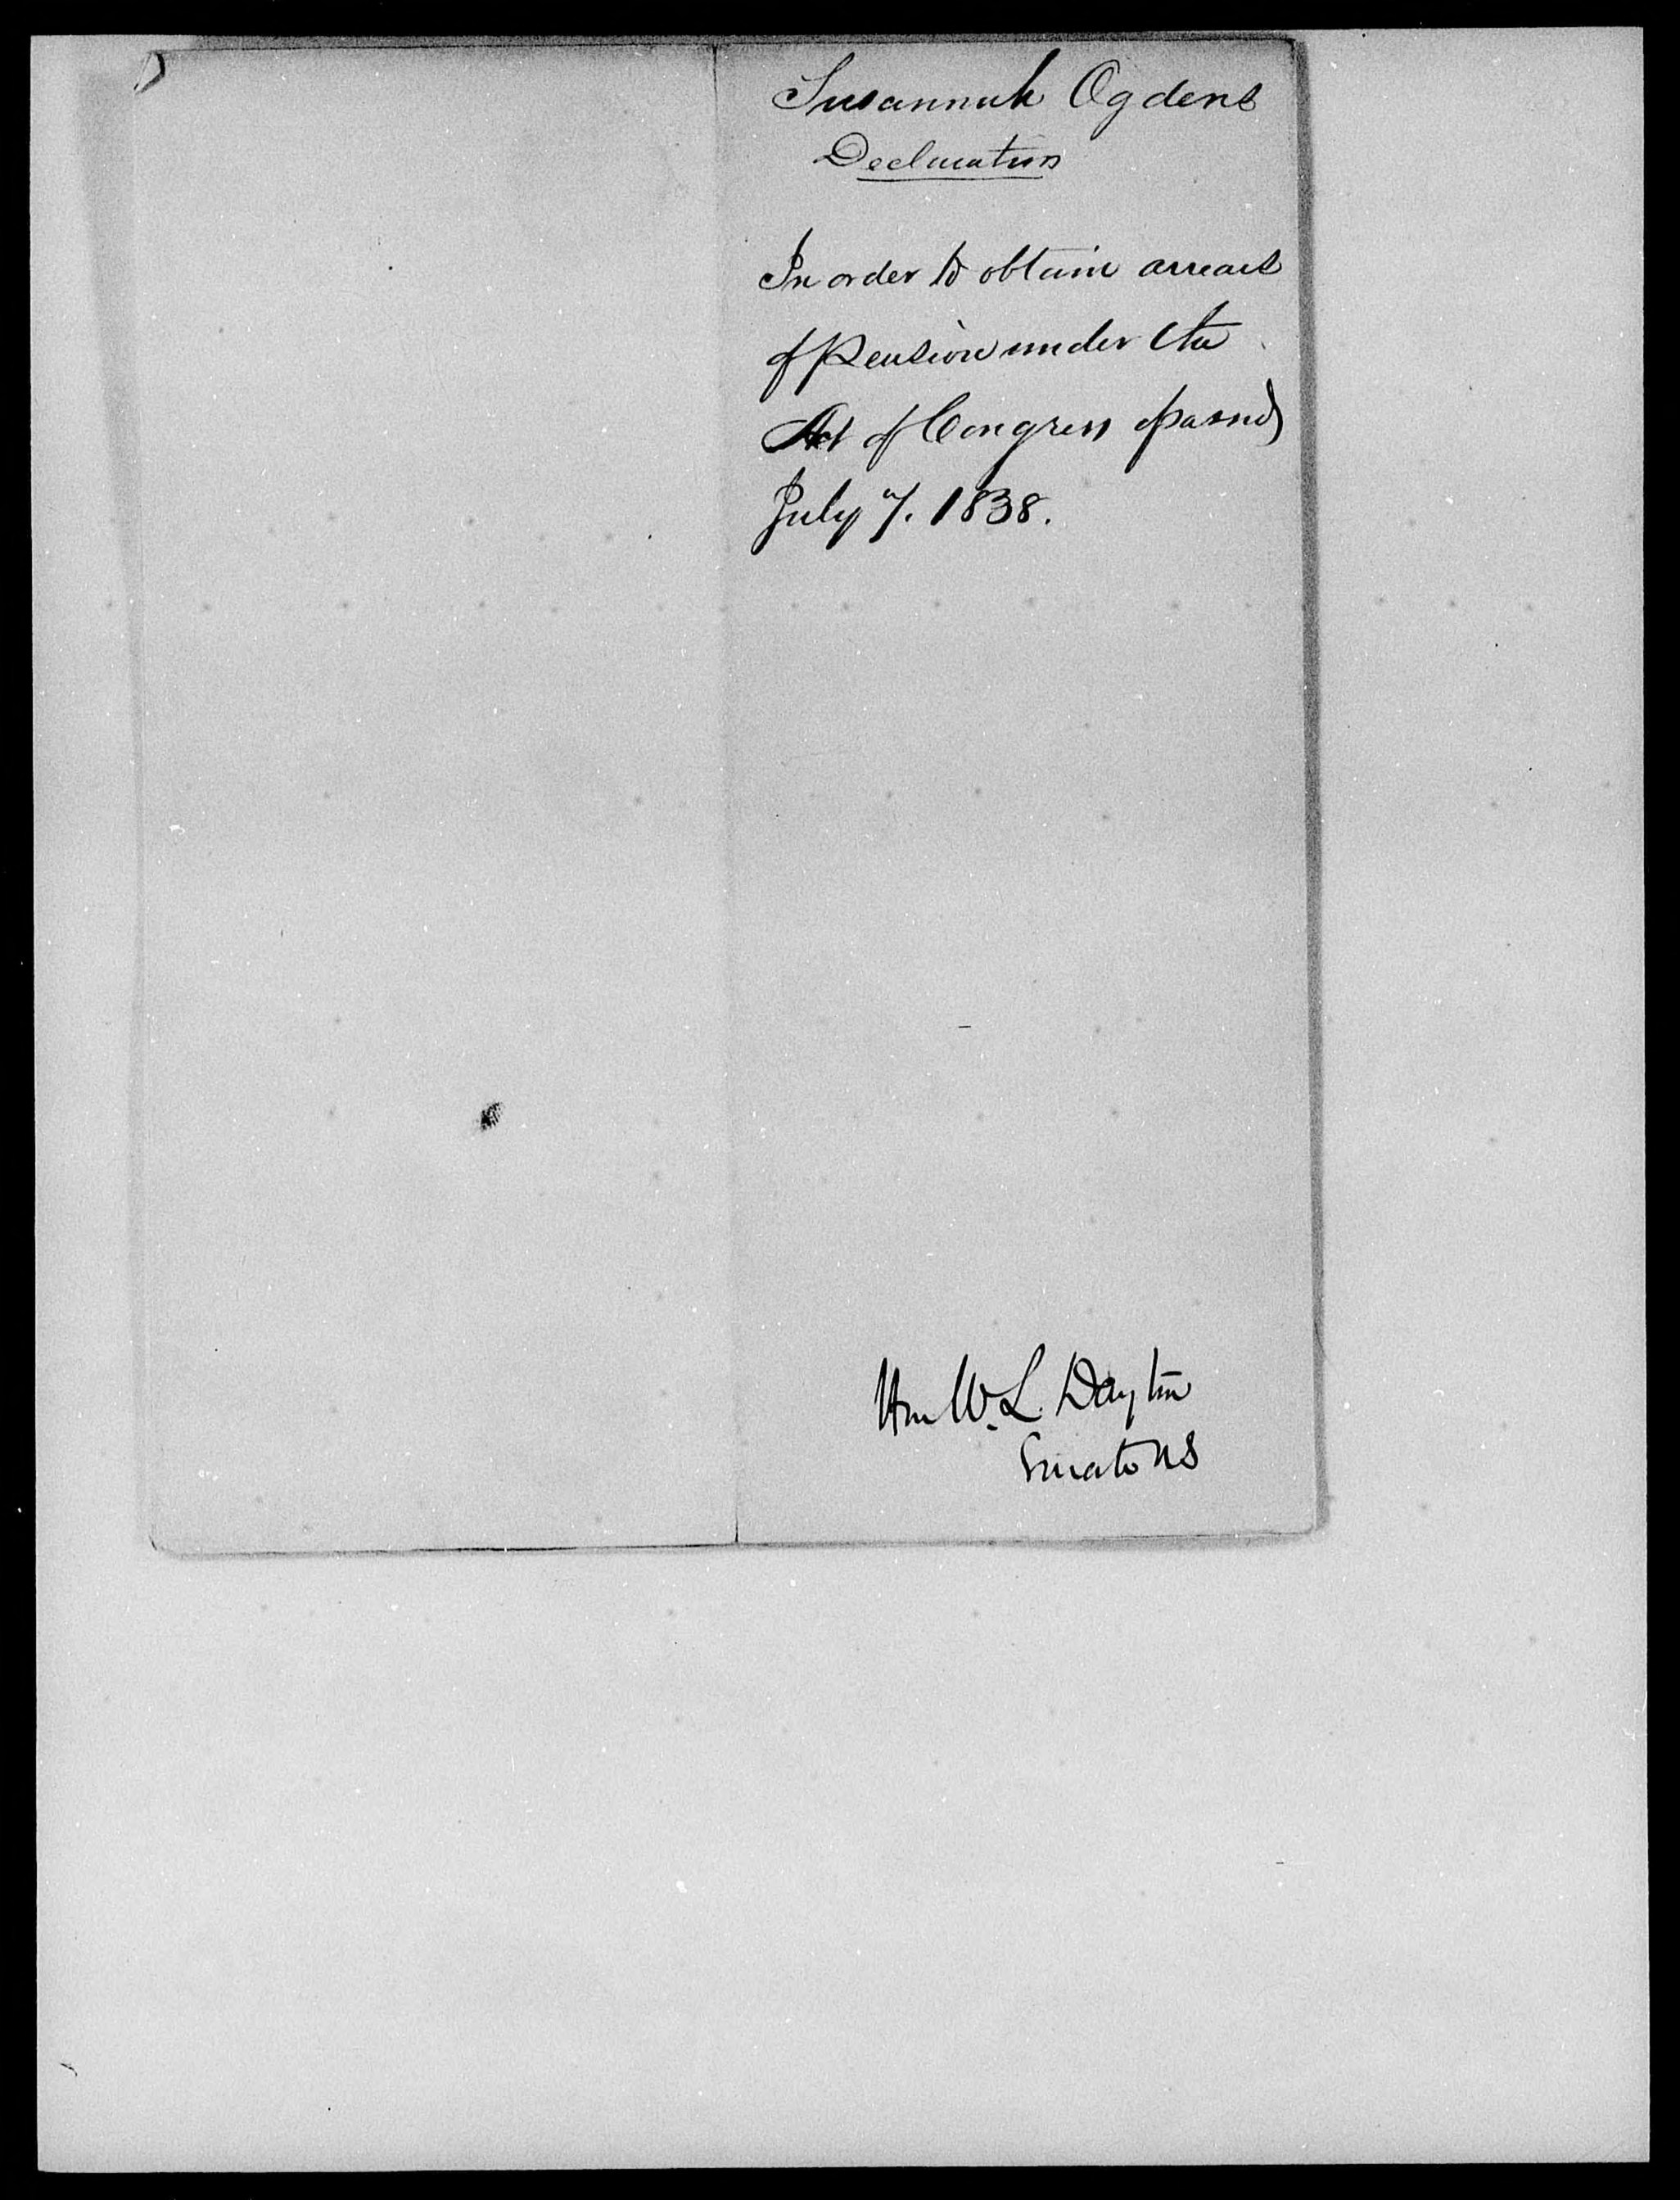Susannah Ogdens
Declaration

In order to obtain arrears
of Pension under the
Act of Congress passed
July 7, 1838.

Hon W. L. Dayton
[illegible]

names: Susannah Ogden; W L Dayton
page: 36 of 40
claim: widow's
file: W. 24364, for David Ogden, New York